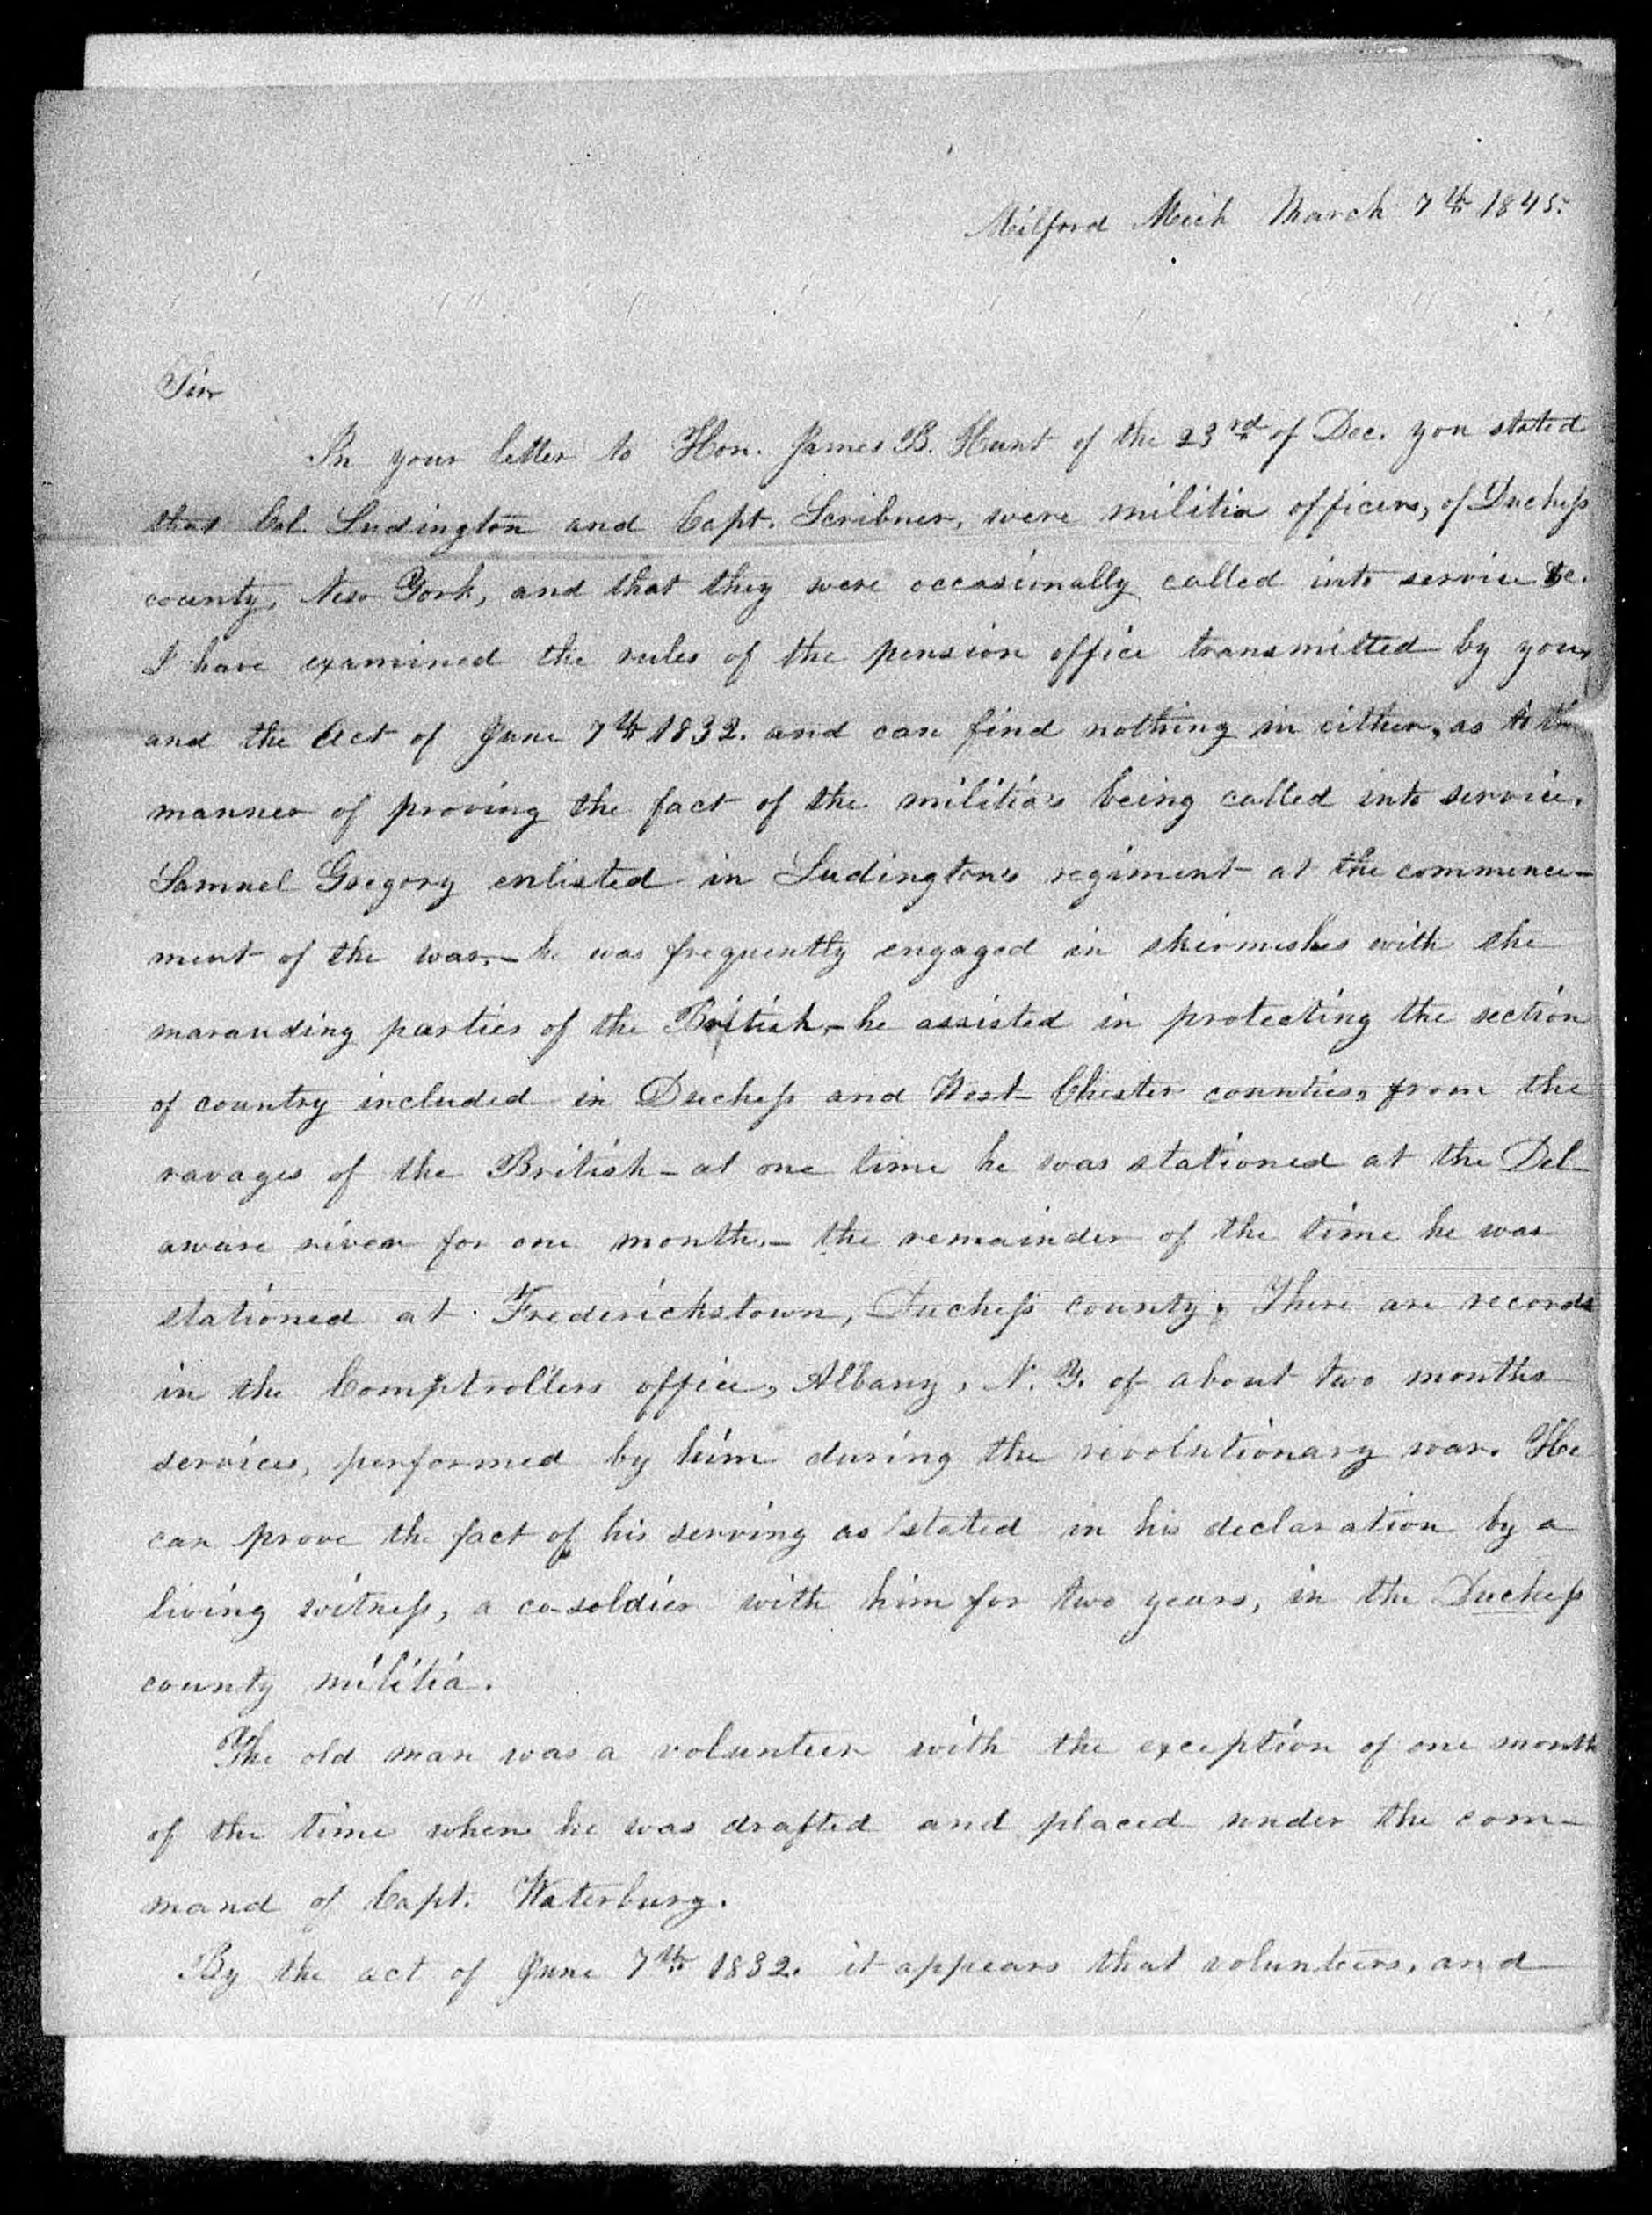Milford Mich March 7th 1845

Sir

In your letter to Hon. James B. Hunt of the 23rd of December you stated that Col Ludington and Capt Scribner, were militia officers, of Dutchess County New York, and that they wee occasionally called into service. I have examined the rules of the pension office transmitted by you and the Act of June 7th 1832. and can find nothing in within, as to the manner of proving the fact of the militia's being called into service. Samuel Gregory enlisted in Ludington's regiment at the commencement of the war. He was frequently engaged in skirmishes with the marauding parties of the British. he assisted in protecting the section of county included in Dutchess and Westchester counties from the ravages of the British. at one time he was stationed at the Delaware river for one month - the remainder of the time he was stationed at Frederickstown, Dutchess county. There are records in the Comptrollers office, Albany, N.Y. of about two months services, performed b yhim during the Revolutionary War, he can prove the fact of his serving as stated in his serving by a living witness, a co soldier with him for two years, in the Dutchess county militia.

The old man was a volunteer with the exception of one month of the time when he was drafted and placed under the command of Capt Waterbury.

By the Act of June 7th 1832. it appears that volunteers, and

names: James B Hunt, Samuel Gregory, Waterbury, Scribner, Ludington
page: 55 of 66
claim: rejected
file: R. 4298, Samuel Gregory, New York